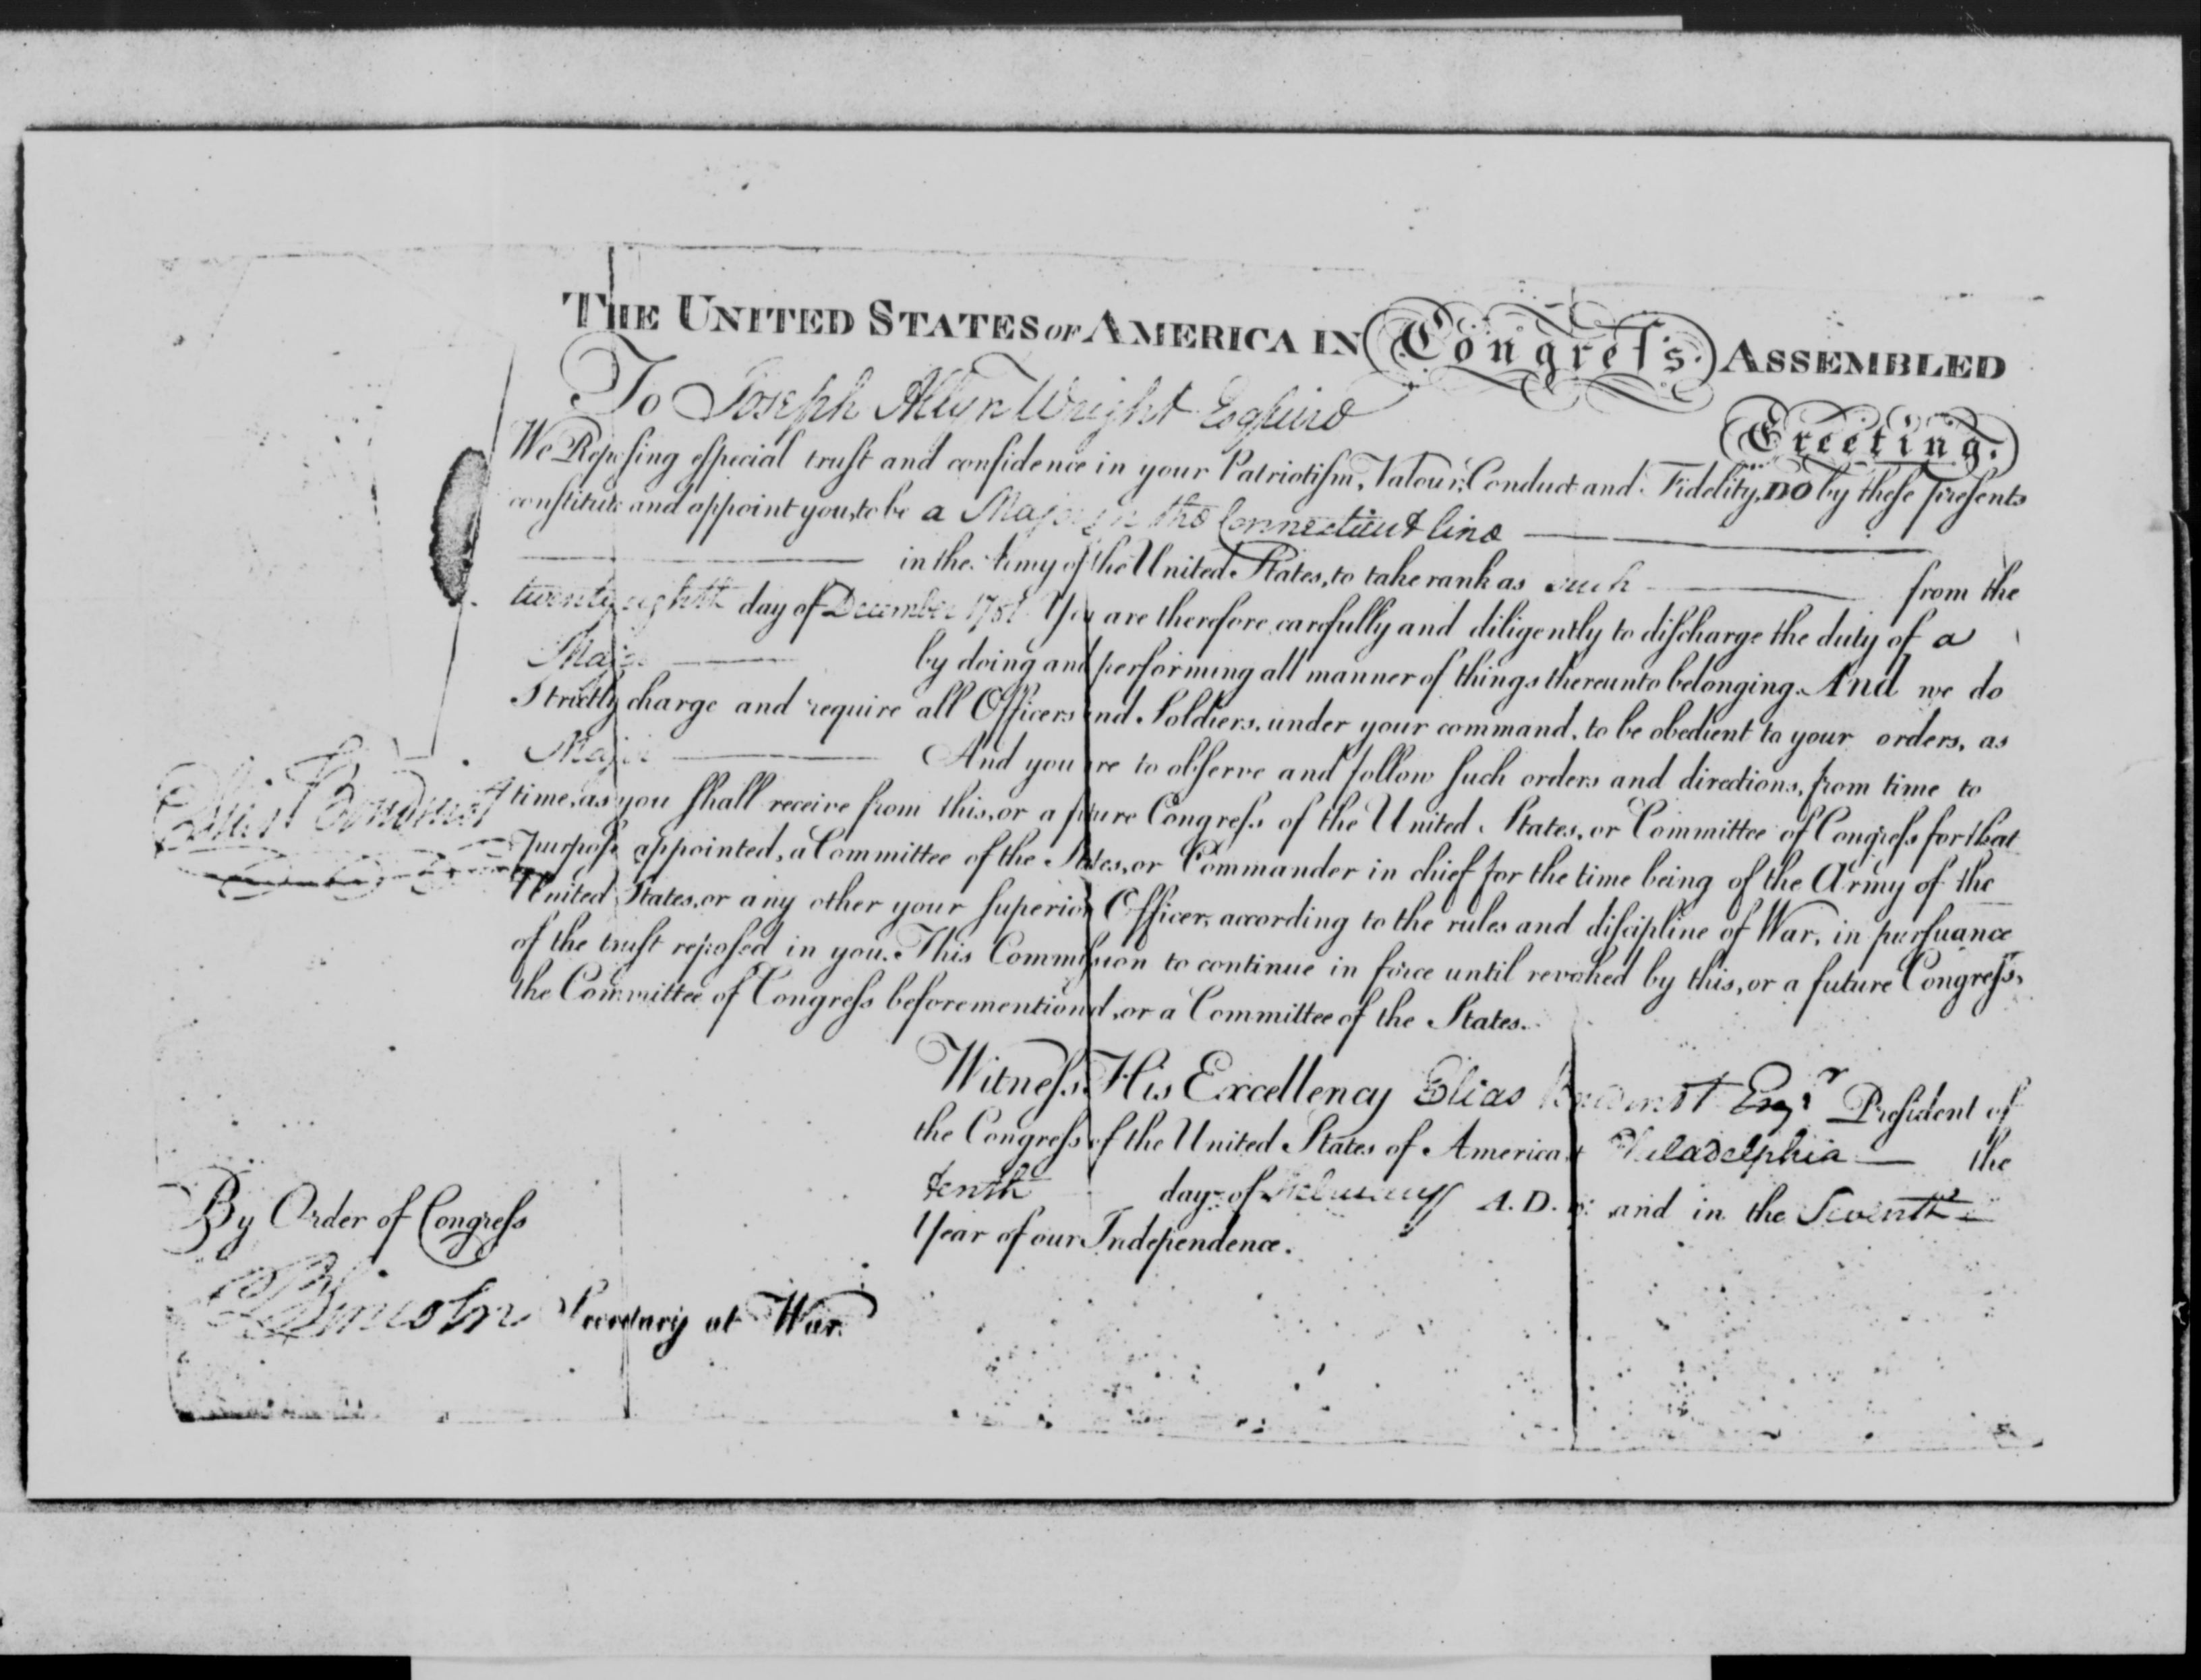THE UNITED STATES OF AMERICA IN CONGRESS ASSEMBLED
To Joseph Allen Wright Esquire
Greeting.
We reposing especial trust and confidence in your Patriotism, Valour; Conduct and Fidelity, do by these presents constitute and appoint you to be a Major in the Connecticut line in the army of the United States, to take rank as such from the twenty eighty day of December 1781. You are therefore carefully and diligently to discharge the duty of a Major. And you are to observe and follow such orders and directions from time to time as you shall receive from this, or a future Congress of the United States or Committee of the Congress for that purpose appointed, a committee for the States, or Commander in chief for the time being of the Army of the United States, or any other superior officer according to the rules and discipline of War, in pursuance of the trust reposed in you. This Commission to continue in force until revoked by this, or a future Congress, committee of Congress before mentioned or a Committee of the States.

Witness His Excellency Elias Brandt Esquire President of the Congress of the United States of America, Philadelphia the tenth day of February A.D. and in the seventh year of our  Independence.

By order of Congress 
Benjamin Lincoln Secretary of War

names: Joseph Allyn Wright, Elias Brandt, Siles Bondinot, P Lincoln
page: 8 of 13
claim: survivor's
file: S. 36855, Joseph Allyn Wright, Conn. Continental